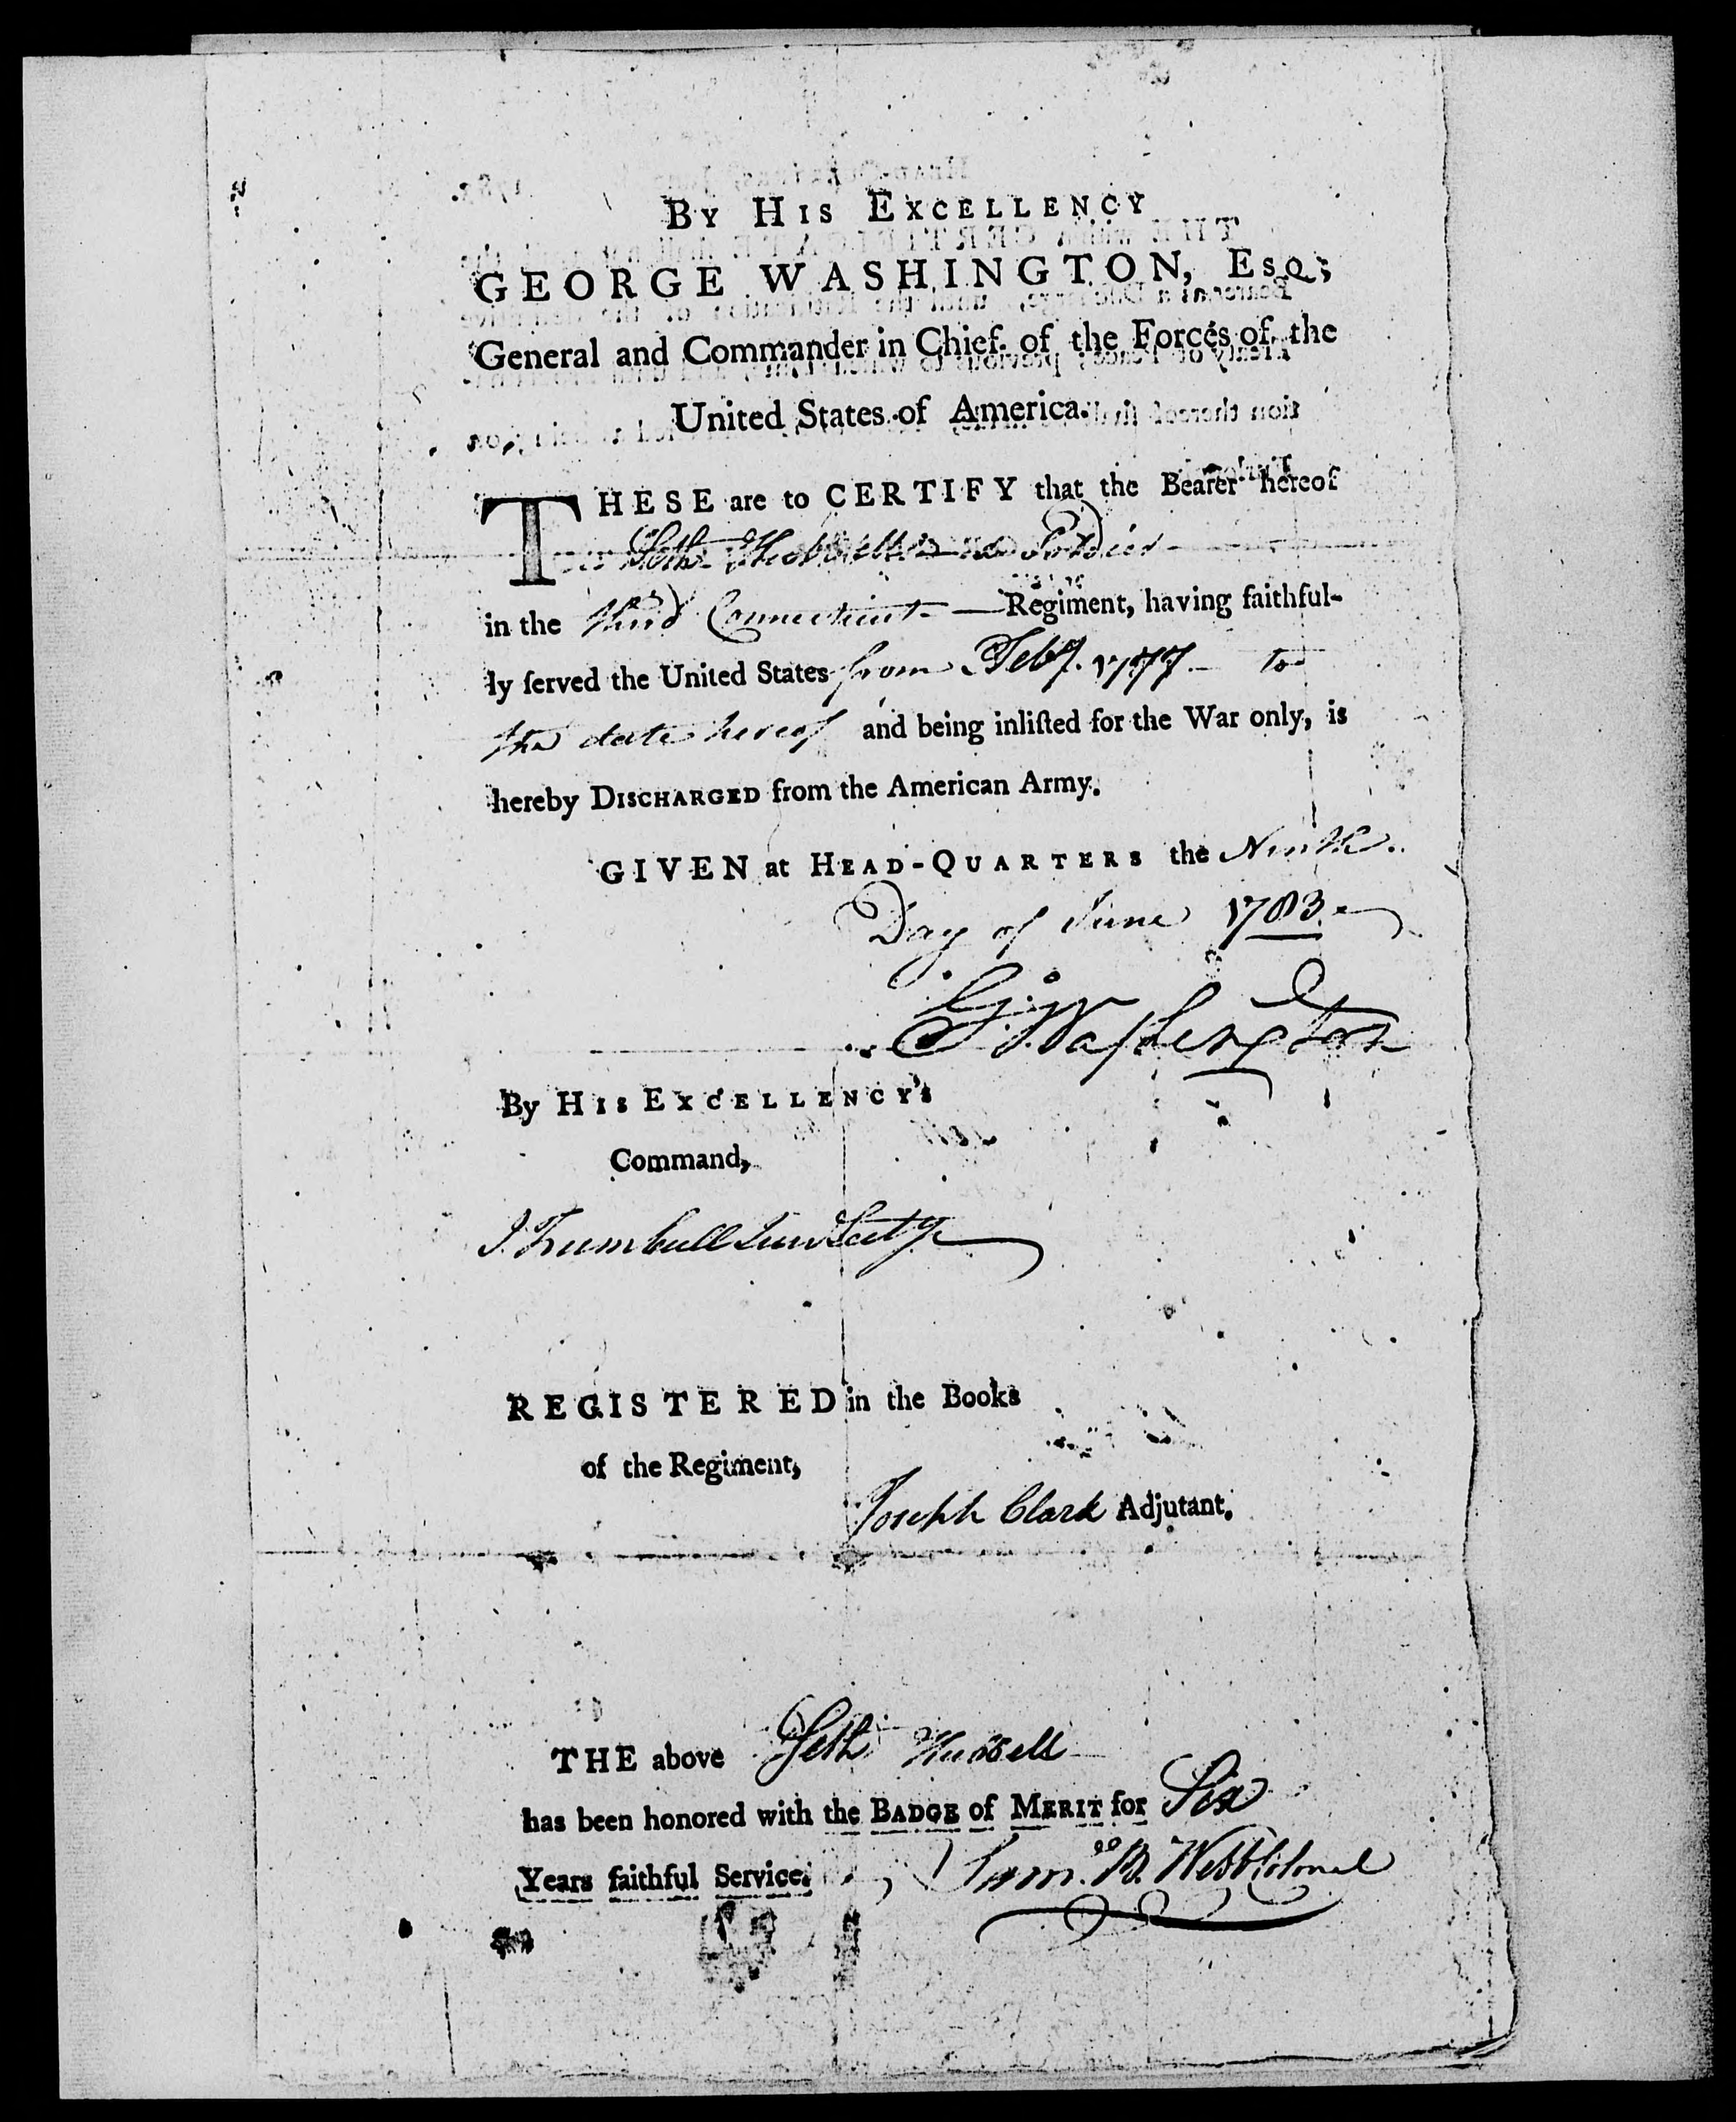BY HIS EXCELLENCY
GEORGE WASHINGTON, ESQ;
General and Commander in Chief of Forces of the
United State of America.

THESE are to CERTIFY that the Bearer hereof
Seth Hubbell [illegible] soldier
in the Third Connecticut Regiment, having faithfully
served the United States from Feby. 1777 to
the date hereof and being inlisted for the War only, is
hereby DISCHARGED from the American army.

GIVEN  at HEAD-QUARTERS the Ninth
Day of June 1783
[signature of George Washington]

By HIS EXCELLENCY'S
Command,
[illegible signature]

REGISTERED in the Books
of the Regiment,
[signature of Joseph Clark] Adjutant.

THE above Seth Hubbell
has been honored with the BADGE OF MERIT for Six
Years faithful Service. [illegible signature]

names: Joseph Clark, Go Washington, Samel B Webb, Seth Hubbell, J Trumbull, George Washington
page: 49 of 114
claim: widow's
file: W. 2115, Seth Hubbell, Conn.